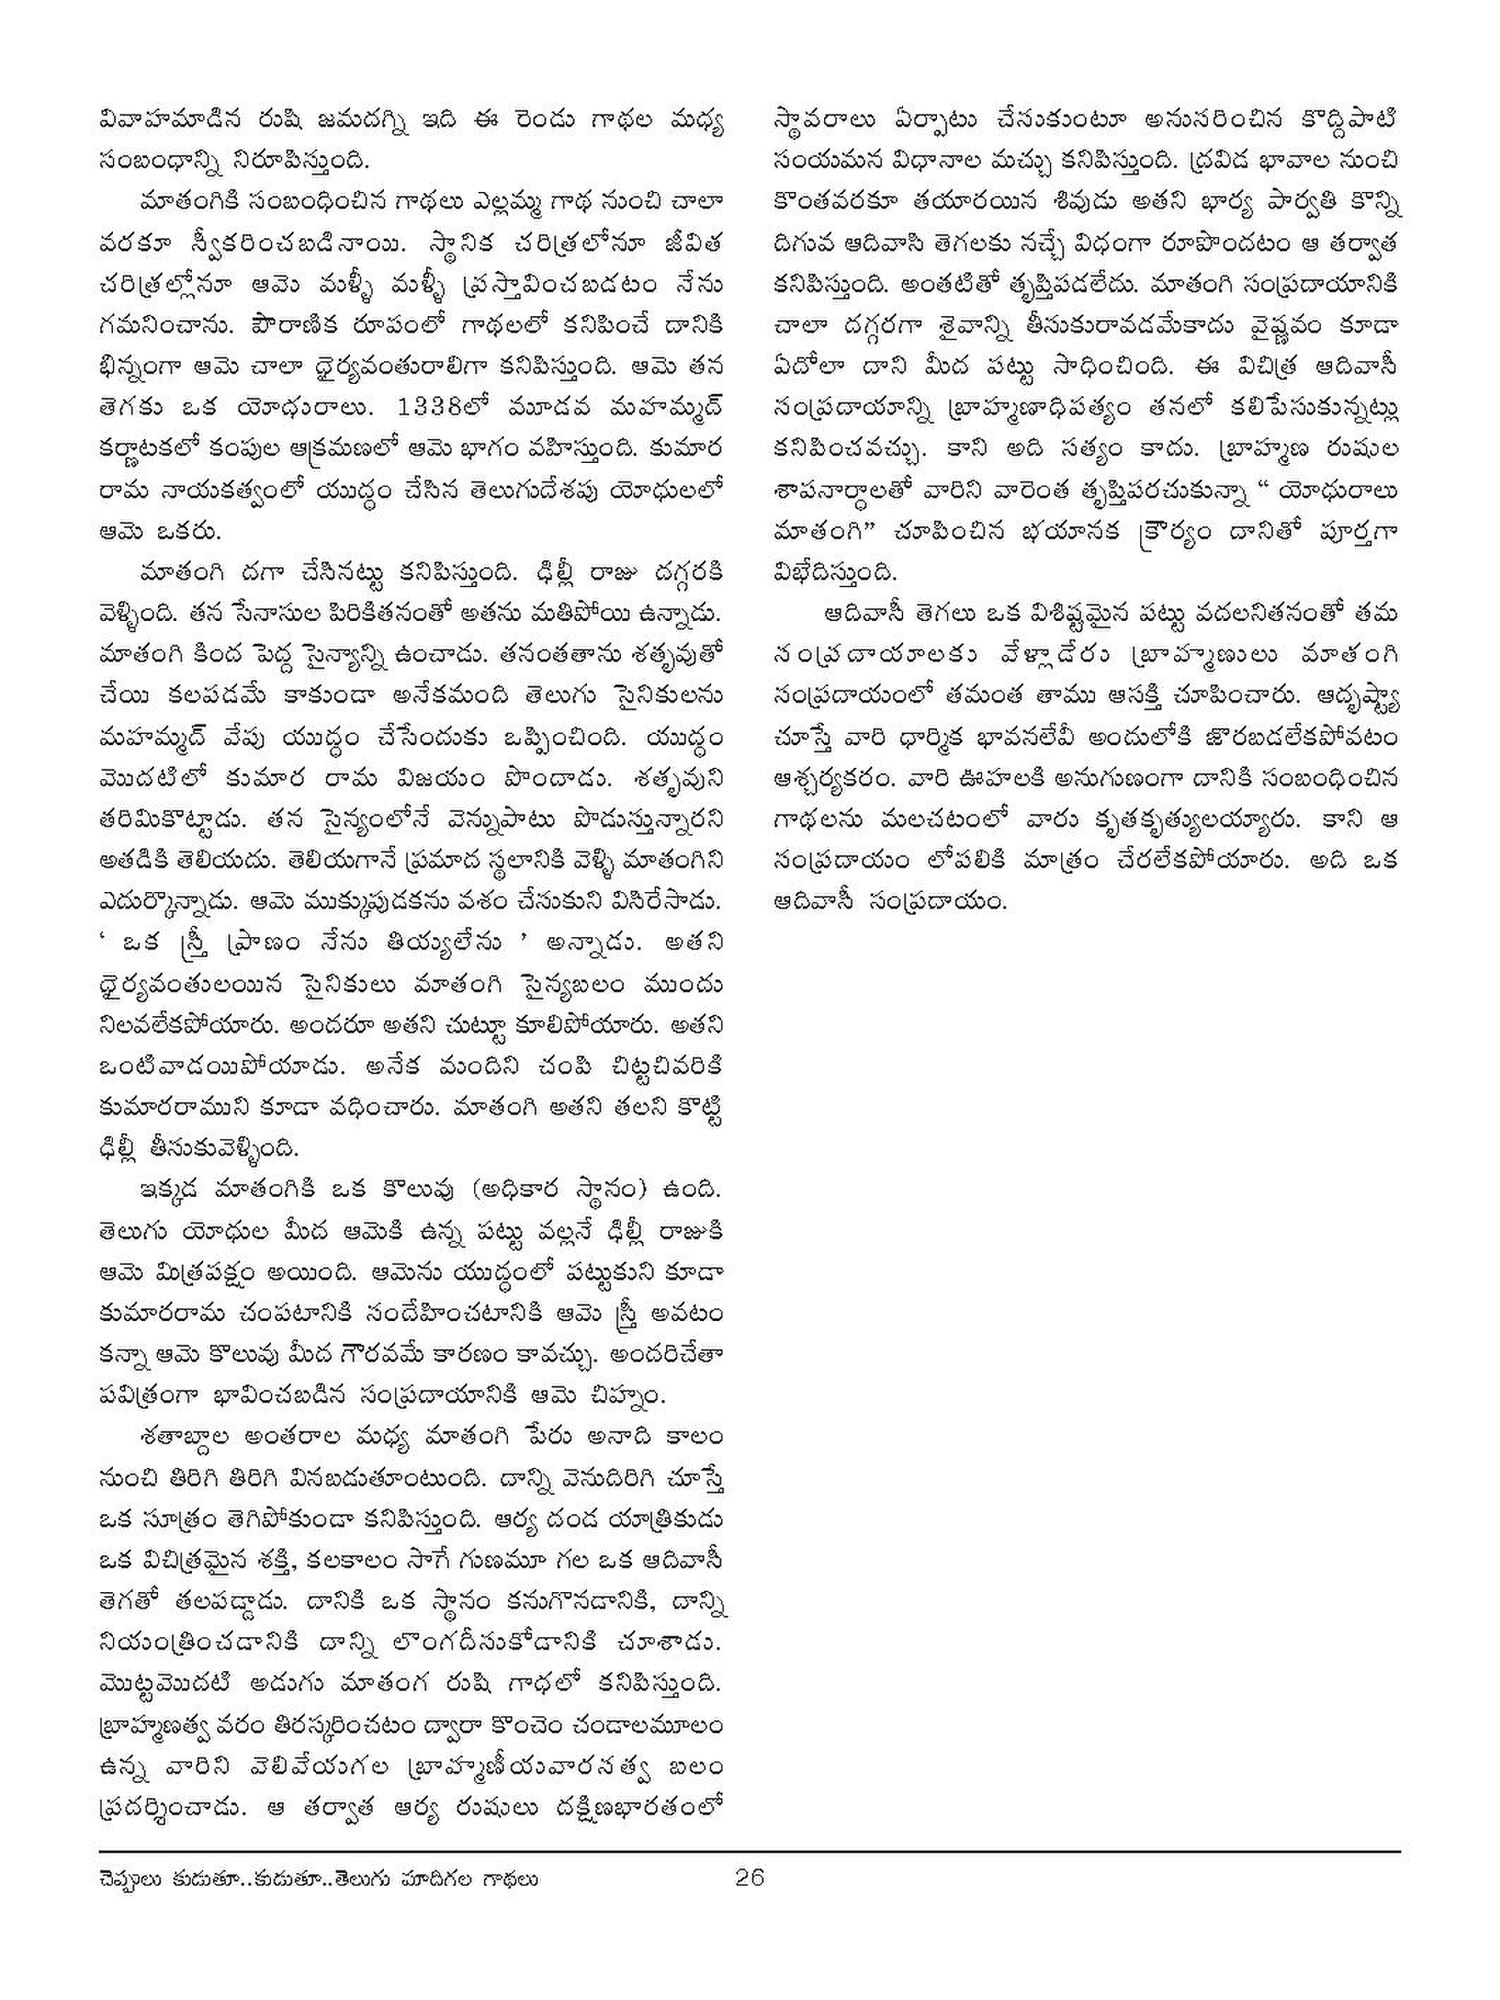వివాహమాడిన రుషి జమదగ్ని ఇది ఈ రెండు గాథల మధ్య
సంబంధాన్ని నిరూపిస్తుంది.

మాతంగికి సంబంధించిన గాథలు ఎల్లమ్మ గాథ నుంచి చాలా
వరకూ స్వీకరించబడినాయి. స్థానిక చరిత్రలోనూ జీవిత
చరిత్రల్లోనూ ఆమె మళ్ళీ మళ్ళీ ప్రస్తావించబడటం నేను
గమనించాను. పౌరాణిక రూపంలో గాథలలో కనిపించే దానికి
భిన్నంగా ఆమె చాలా ధైర్యవంతురాలిగా కనిపిస్తుంది. ఆమె తన
తెగకు ఒక యోధురాలు. 1338లో మూడవ మహమ్మద్
కర్ణాటకలో కంపుల ఆక్రమణలో ఆమె భాగం వహిస్తుంది. కుమార
రామ నాయకత్వంలో యుద్ధం చేసిన తెలుగుదేశపు యోధులలో
ఆమె ఒకరు.

మాతంగి దగా చేసినట్టు కనిపిస్తుంది. ఢిల్లీ రాజు దగ్గరకి
వెళ్ళింది. తన సేనాసుల పిరికితనంతో అతను మతిపోయి ఉన్నాడు.
మాతంగి కింద పెద్ద సైన్యాన్ని ఉంచాడు. తనంతతాను శతృవుతో
చేయి కలపడమే కాకుండా అనేకమంది తెలుగు సైనికులను
మహమ్మద్ వేపు యుద్ధం చేసేందుకు ఒప్పించింది. యుద్ధం
మొదటిలో కుమార రామ విజయం పొందాడు. శతృవుని
తరిమికొట్టాడు. తన సైన్యంలోనే వెన్నుపాటు పొడుస్తున్నారని
అతడికి తెలియదు. తెలియగానే ప్రమాద స్థలానికి వెళ్ళి మాతంగిని
ఎదుర్కొన్నాడు. ఆమె ముక్కుపుడకను వశం చేసుకుని విసిరేసాడు.
ఒక స్త్రీ ప్రాణం నేను తియ్యలేను' అన్నాడు. అతని
ధైర్యవంతులయిన సైనికులు మాతంగి సైన్యబలం ముందు
నిలవలేకపోయారు. అందరూ అతని చుట్టూ కూలిపోయారు. అతని
ఒంటివాడయిపోయాడు. అనేక మందిని చంపి చిట్టచివరికి
కుమారరాముని కూడా వధించారు. మాతంగి అతని తలని కొట్టి
ఢిల్లీ తీసుకువెళ్ళింది.

ఇక్కడ మాతంగికి ఒక కొలువు (అధికార స్థానం) ఉంది.
తెలుగు యోధుల మీద ఆమెకి ఉన్న పట్టు వల్లనే ఢిల్లీ రాజుకి
ఆమె మిత్రపక్షం అయింది. ఆమెను యుద్ధంలో పట్టుకుని కూడా
కుమారరామ చంపటానికి సందేహించటానికి ఆమె స్త్రీ అవటం
కన్నా ఆమె కొలువు మీద గౌరవమే కారణం కావచ్చు. అందరిచేతా
పవిత్రంగా భావించబడిన సంప్రదాయానికి ఆమె చిహ్నం.

శతాబ్దాల అంతరాల మధ్య మాతంగి పేరు అనాది కాలం
నుంచి తిరిగి తిరిగి వినబడుతూంటుంది. దాన్ని వెనుదిరిగి చూస్తే
ఒక సూత్రం తెగిపోకుండా కనిపిస్తుంది. ఆర్య దండ యాత్రికుడు
ఒక విచిత్రమైన శక్తి, కలకాలం సాగే గుణమూ గల ఒక ఆదివాసీ
తెగతో తలపడ్డాడు. దానికి ఒక స్థానం కనుగొనడానికి, దాన్ని
నియంత్రించడానికి దాన్ని లొంగదీసుకోడానికి చూశాడు.
మొట్టమొదటి అడుగు మాతంగ రుషి గాధలో కనిపిస్తుంది.
బ్రాహ్మణత్వ వరం తిరస్కరించటం ద్వారా కొంచెం చండాలమూలం
ఉన్న వారిని వెలివేయగల బ్రాహ్మణీయ వారసత్వ బలం
ప్రదర్శించాడు. ఆ తర్వాత ఆర్య రుషులు దక్షిణభారతంలో
స్థావరాలు ఏర్పాటు చేసుకుంటూ అనుసరించిన కొద్దిపాటి
సంయమన విధానాల మచ్చు కనిపిస్తుంది. ద్రవిడ భావాల నుంచి
కొంతవరకూ తయారయిన శివుడు అతని భార్య పార్వతి కొన్ని
దిగువ ఆదివాసి తెగలకు నచ్చే విధంగా రూపొందటం ఆ తర్వాత
కనిపిస్తుంది. అంతటితో తృప్తిపడలేదు. మాతంగి సంప్రదాయానికి
చాలా దగ్గరగా శైవాన్ని తీసుకురావడమేకాదు వైష్ణవం కూడా
ఏదోలా దాని మీద పట్టు సాధించింది. ఈ విచిత్ర ఆదివాసీ
సంప్రదాయాన్ని బ్రాహ్మణాధిపత్యం తనలో కలిపేసుకున్నట్లు
కనిపించవచ్చు. కాని అది సత్యం కాదు. బ్రాహ్మణ రుషుల
శాపనార్ధాలతో వారిని వారెంత తృప్తిపరచుకున్నా " యోధురాలు
మాతంగి" చూపించిన భయానక క్రౌర్యం దానితో పూర్తగా
విభేదిస్తుంది.

ఆదివాసీ తెగలు ఒక విశిష్టమైన పట్టు వదలనితనంతో తమ
సంప్రదాయాలకు వేళ్లాడేరు బ్రాహ్మణులు మాతంగి
సంప్రదాయంలో తమంత తాము ఆసక్తి చూపించారు. ఆదృష్ట్యా
చూస్తే వారి ధార్మిక భావనలేవీ అందులోకి జొరబడలేకపోవటం
ఆశ్చర్యకరం. వారి ఊహలకి అనుగుణంగా దానికి సంబంధించిన
గాథలను మలచటంలో వారు కృతకృత్యులయ్యారు. కాని ఆ
సంప్రదాయం లోపలికి మాత్రం చేరలేకపోయారు. అది ఒక
ఆదివాసీ సంప్రదాయం.